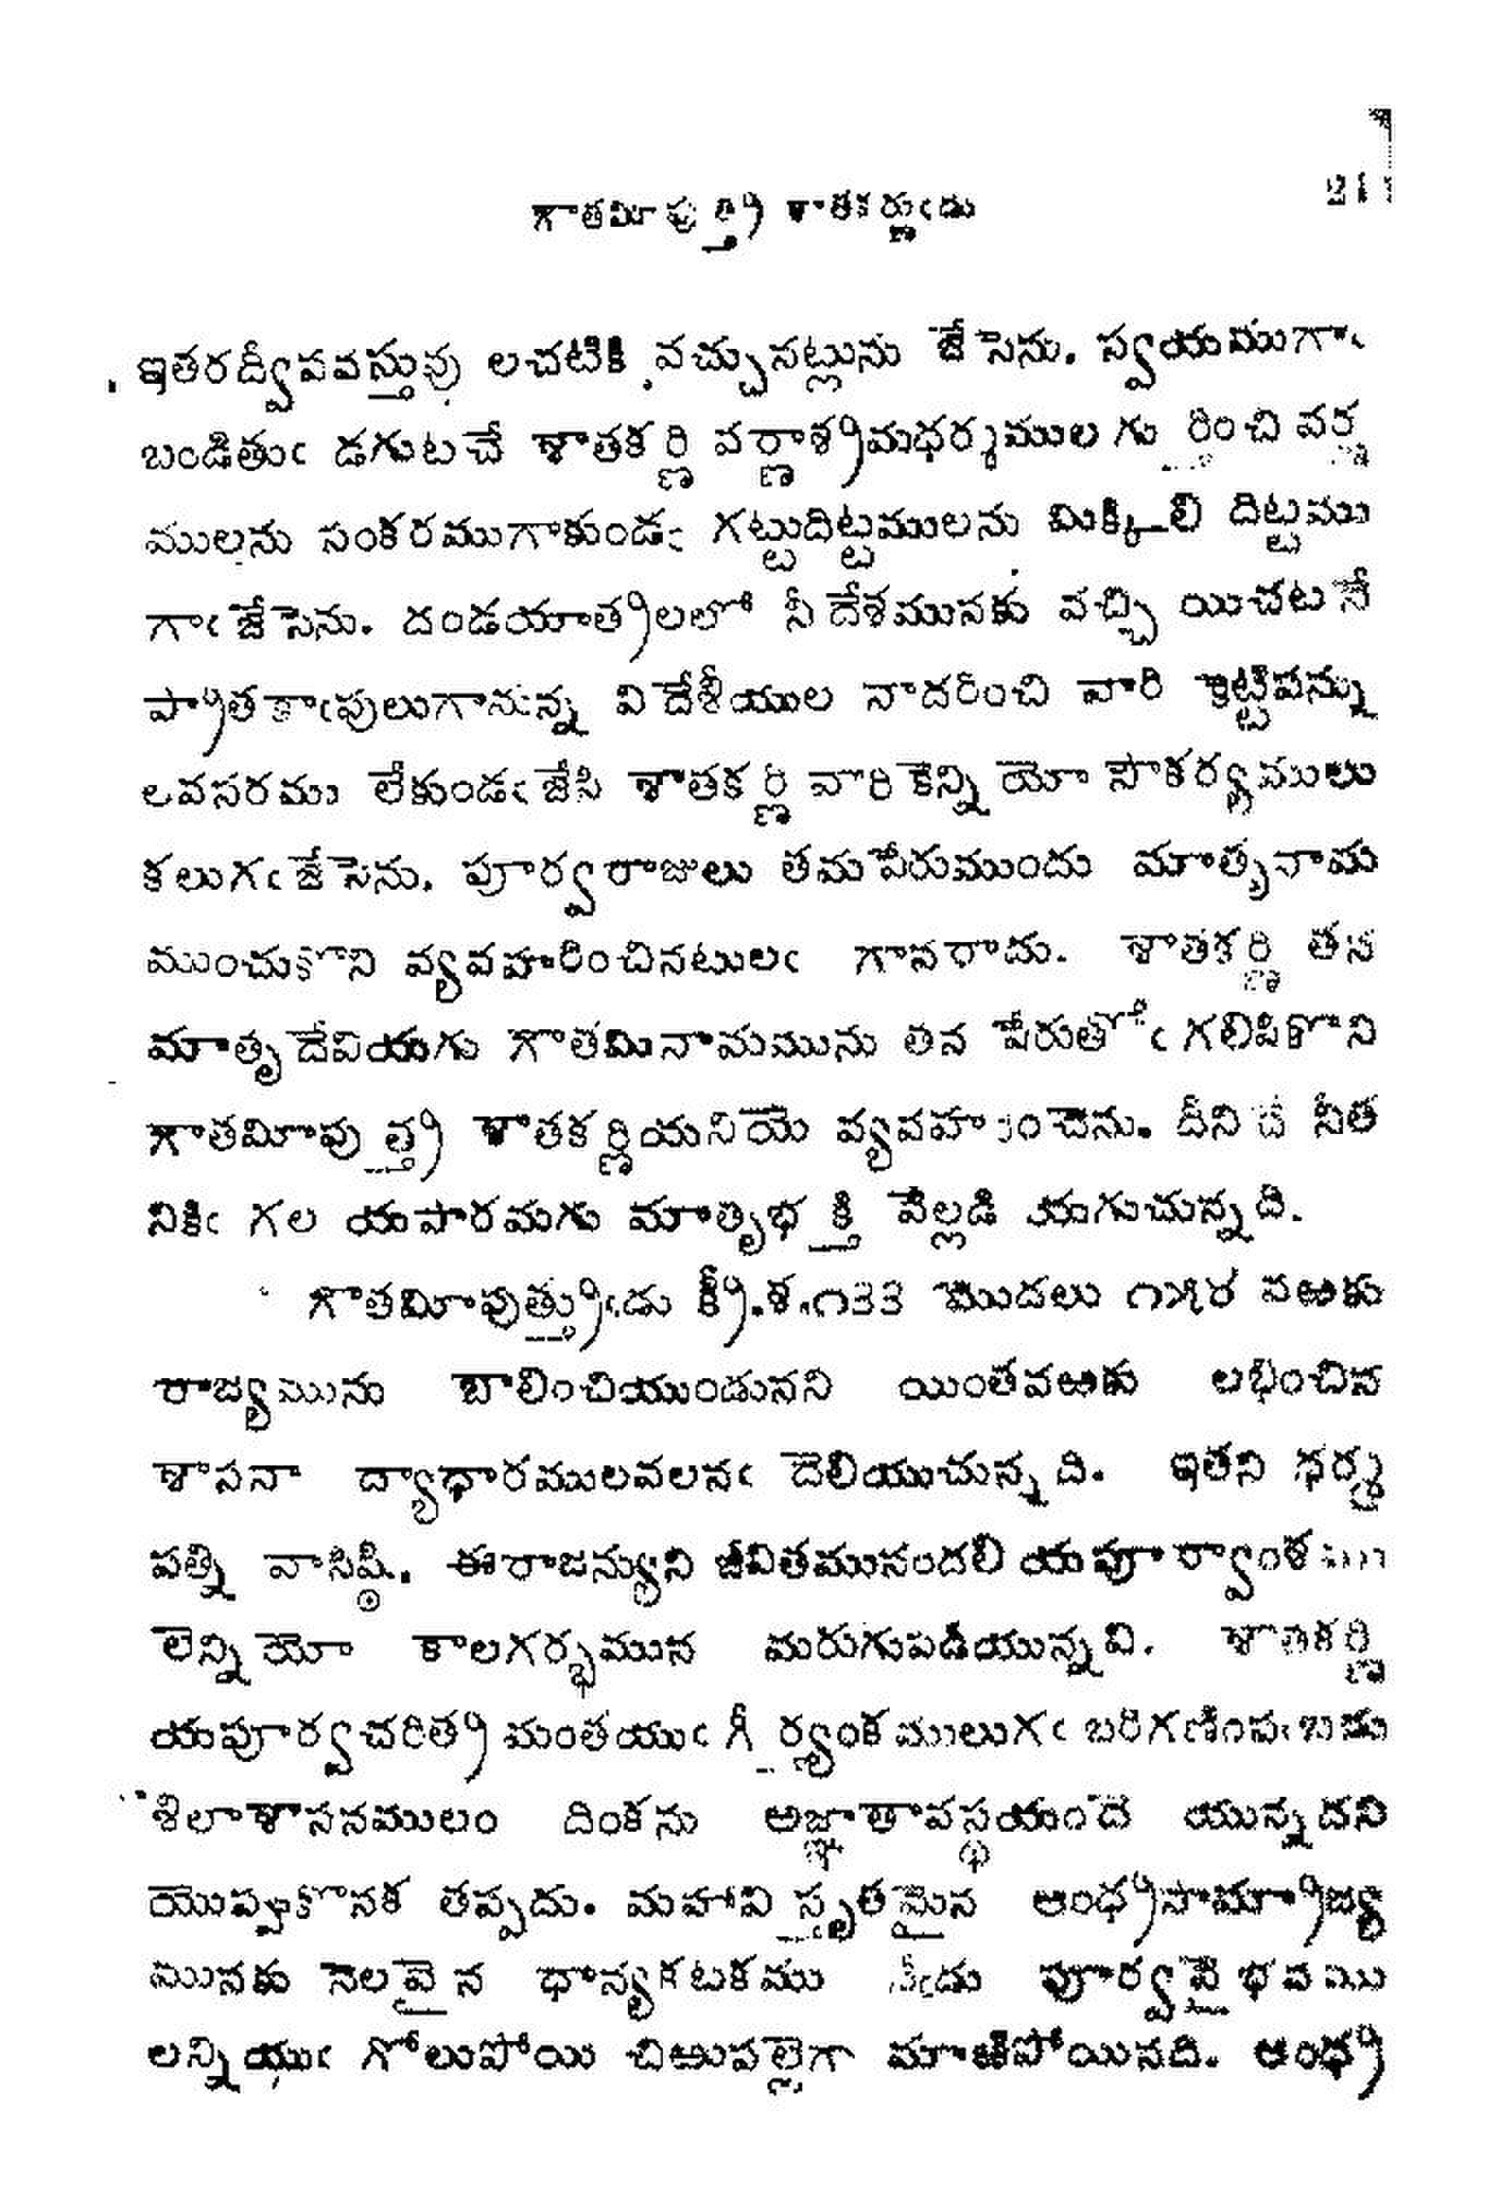ఇతరద్వీపవస్తువు లచటికి వచ్చునట్లును జేసెను. స్వయముగా బండితు డగుటచే శాతకర్ణి వర్ణాశ్రమధర్మముల గుర్తించి వర్ణములను సంకరముగాకుండ గట్టుదిట్టములను మిక్కిలి దిట్టముగాజేసెను. దండయాత్రలలో నీ దేశమునకు వచ్చి యిచటనే ప్రాతకాపులుగానున్న విదేశీయుల నాదరించి వారి కెట్టిపన్ను లవసరము లేకుండజేసి శాతకర్ణి వారి కెన్నియో సౌకర్యములు కలుగజేసెను. పూర్వరాజులు తమపేరుముందు మాతృనామ ముంచుకొని వ్యవహరించినటుల గానరాదు. శాతకర్ణి తన మాతృదేవియగు గౌతమీనామమును తన పేరుతో గలిపికొని గౌతమీపుత్ర శాతకర్ణియనియె వ్యవహరించెను. దీనిచే నీతనికి గల యపారమగు మాతృభక్తి వెల్లడి యగుచున్నది.

గౌతమీపుత్రుడు క్రీ.శ. 133 మొదలు 154 వఱకు రాజ్యమును బాలించియుండునని యింతవఱకు లభించిన శాసనా ద్యాధారములవలన దెలియుచున్నది. ఇతని ధర్మపత్ని వాసిష్ఠి. ఈరాజన్యుని జీవితమునందలి యపూర్వాంశము లెన్నియో కాలగర్భమున మరుగుపడియున్నవి. శాతకర్ణి యపూర్వ చరిత్ర మంతయు గీర్యంకములుగ బరిగణింపబడు శిలాశాసనములం దింకను అజ్ఞాతావస్థయందె యున్నదని యొప్పుకొనక తప్పదు. మహావిస్తృతమైన ఆంధ్రసాంరాజ్యమునకు నెలవైన ధాన్యకటకము నేడు పూర్వవైభవములన్నియు గోలుపోయి చిఱుపల్లెగా మాఱిపోయినది. ఆంధ్ర